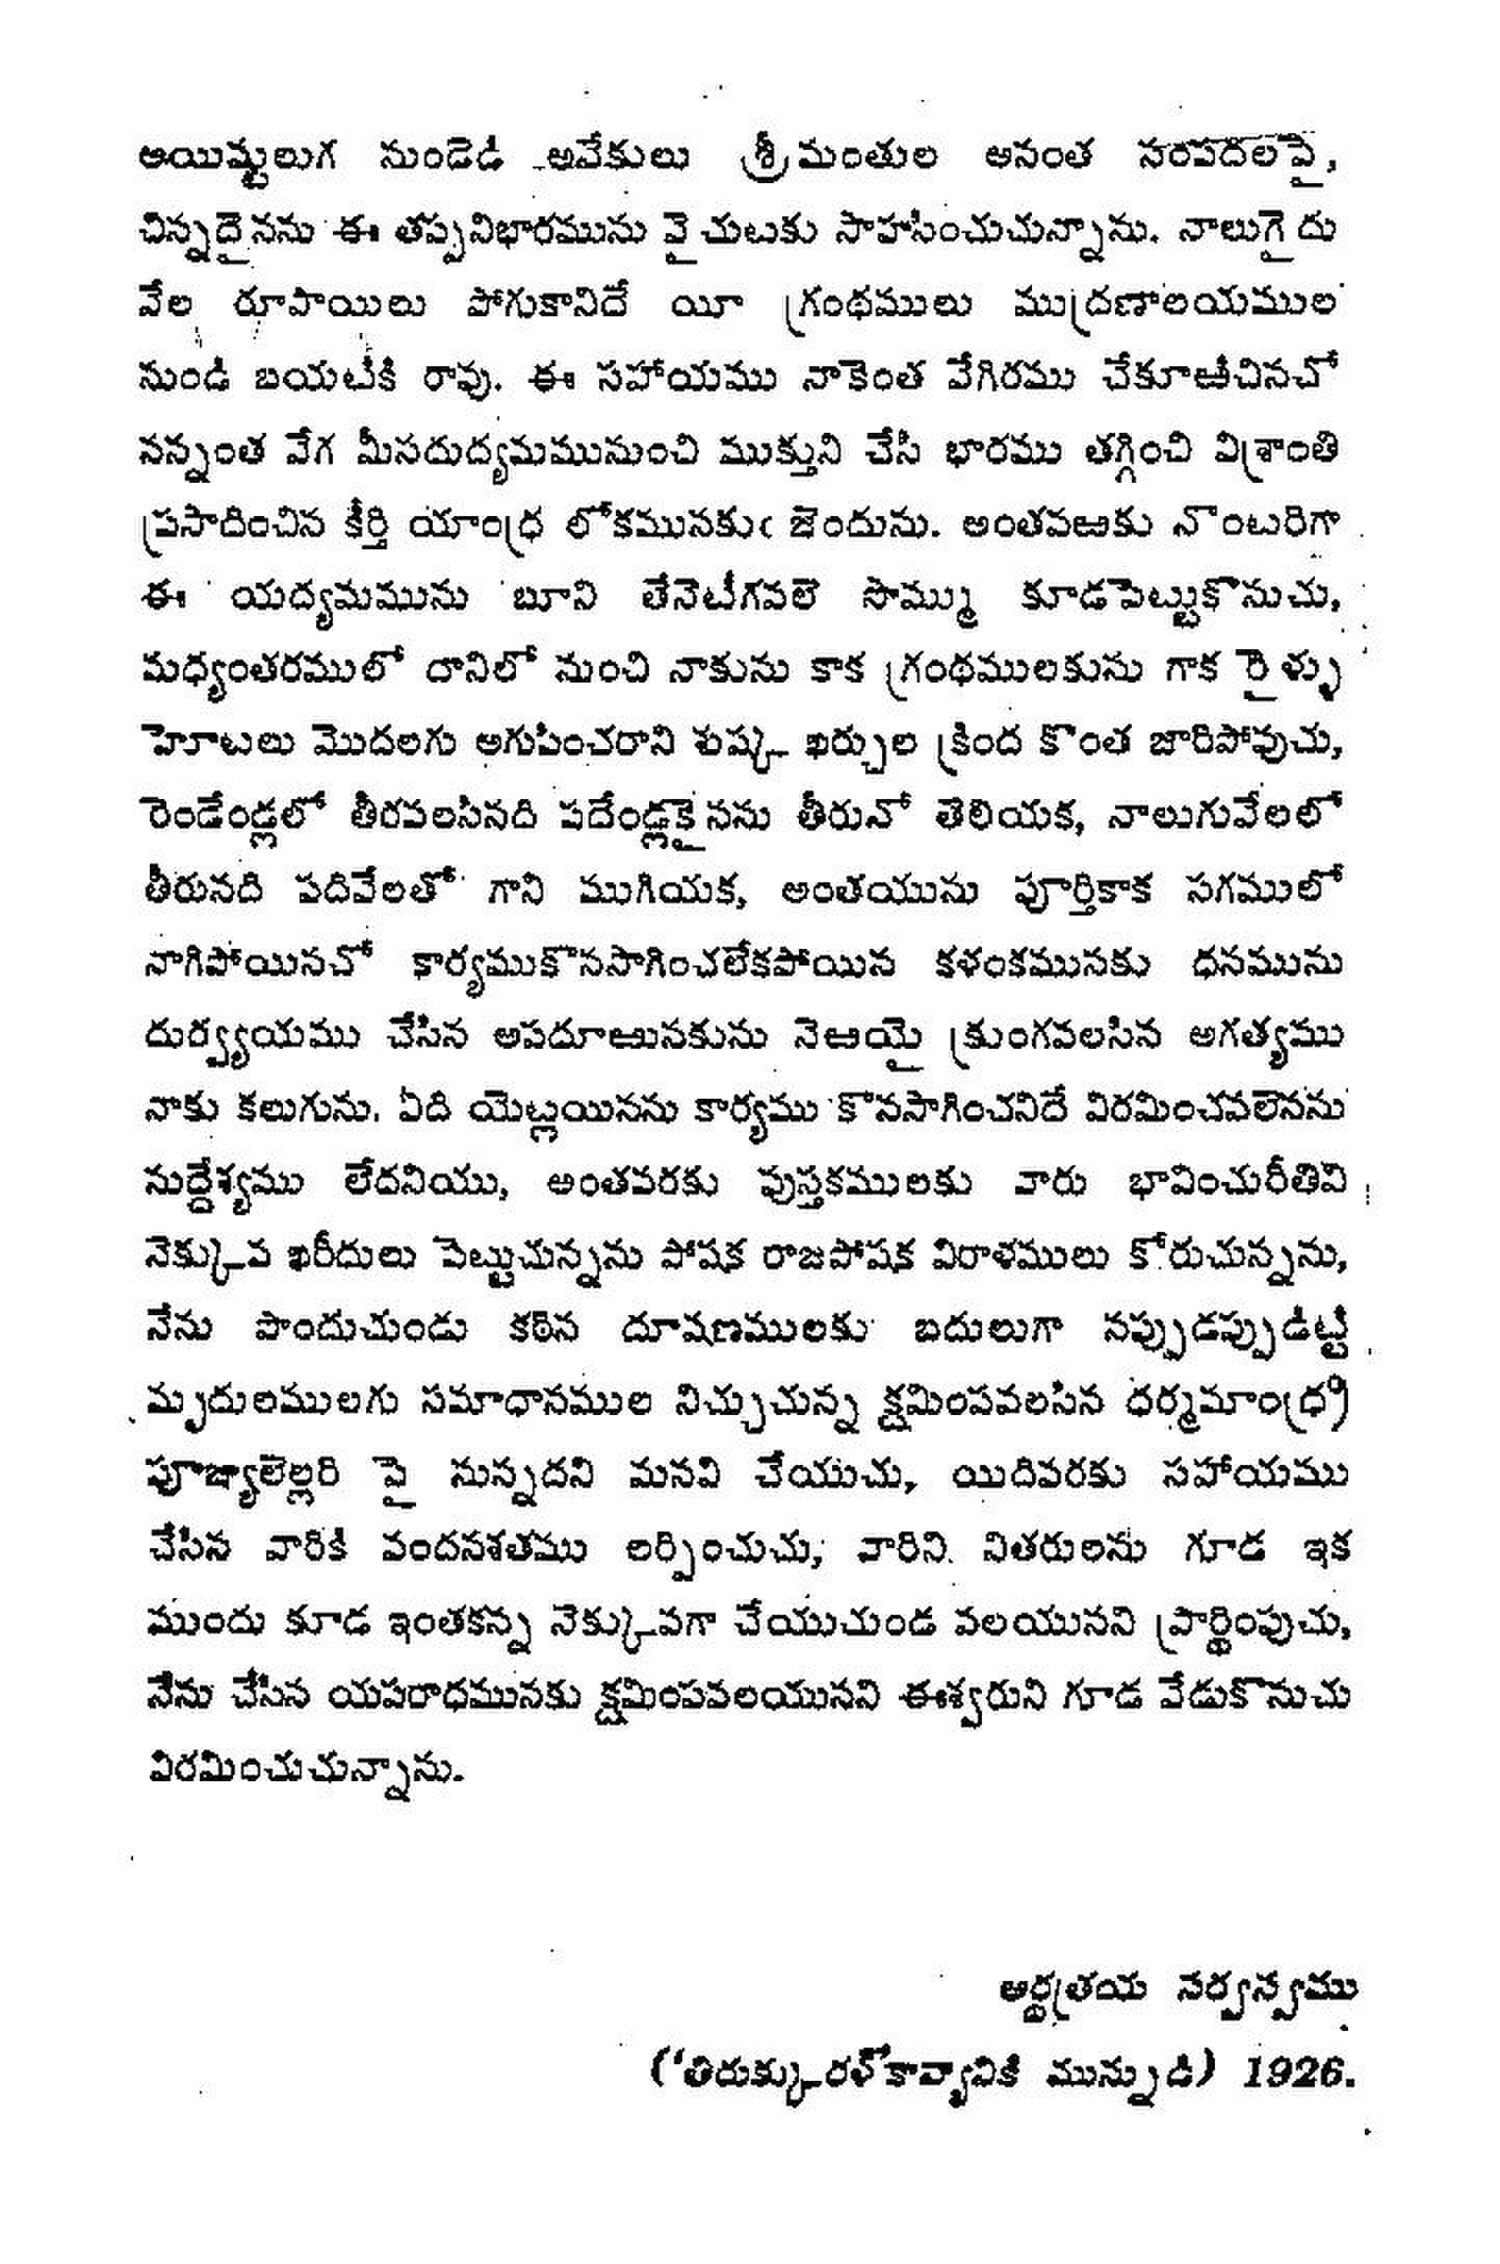అయిష్టులుగ నుండెడి అనేకులు శ్రీమంతుల అనంత సంపదలపై, చిన్నదైనను ఈ తప్పనిభారమును వైచుటకు 
సాహసించుచున్నాను. నాలుగైదు వేల రూపాయలు పోగుకానిదే యీ గ్రంథములు ముద్రణాలయముల నుండి బయటికి రావు. ఈ సహాయము నాకెంత వేగిరము చేకూఱినచో నన్నంత వేగ మీసదుద్యమమునుంచి ముక్తుని చేసి భారము తగ్గించి విశ్రాంతి ప్రసాదించిన కీర్తి యాంధ్ర లోకమునకుఁ జెందును. అంతవఱకు నొంటరిగా ఈ యుద్యమమును బూని తేనెటీగవలె సొమ్ము కూడపెట్టుకొనుచు, మధ్యంతరములో దానిలో నుంచి నాకును కాక గ్రంథములకును గాక రైళ్ళు హోటలు మొదలగు అగుపించరాని శుష్క ఖర్చుల క్రింద కొంత జారిపోవుచు, రెండేండ్లలో తీరవలసినది పదేండ్లకైనను తీరునో తెలియక, నాలుగువేలలో తీరునది పదివేలతో గాని ముగియక, అంతయును పూర్తికాక సగములో నాగిపోయినచో కార్యముకొనసాగించలేకపోయిన కళంకమునకు ధనమును దుర్వ్యయము చేసిన అపదూఱునకును నెఱయై క్రుంగవలసిన అగత్యము నాకు కలుగును. ఏది యెట్లయినను కార్యము కొనసాగించనిదే విరమించవలెనను నుద్దేశ్యము లేదనియు, అంతవరకు పుస్తకములకు వారు భావించురీతిని నెక్కువ ఖరీదులు పెట్టుచున్నను పోషక రాజపోషక విరాళములు కోరుచున్నను, నేను పొందుచుండు కఠిన దూషణములకు బదులుగా నప్పు డప్పు డిట్టి మృదులములగు సమధానముల నిచ్చుచున్న క్షమింపవలసిన ధర్మమాంధ్ర పూజ్యులెల్లరి పై నున్నదని మనవి చేయుచు, వారిని నితరులను గూడ ఇకముందు కూడ ఇంతకన్న నెక్కువగా చేయుచుండ వలయునని ప్రార్ధింపుచు, నేను చేసిన యపరాధమునకు క్షమింపవలయునని ఈశ్వరుని గూడ వేడుకొనుచు విరమించుచున్నాను.